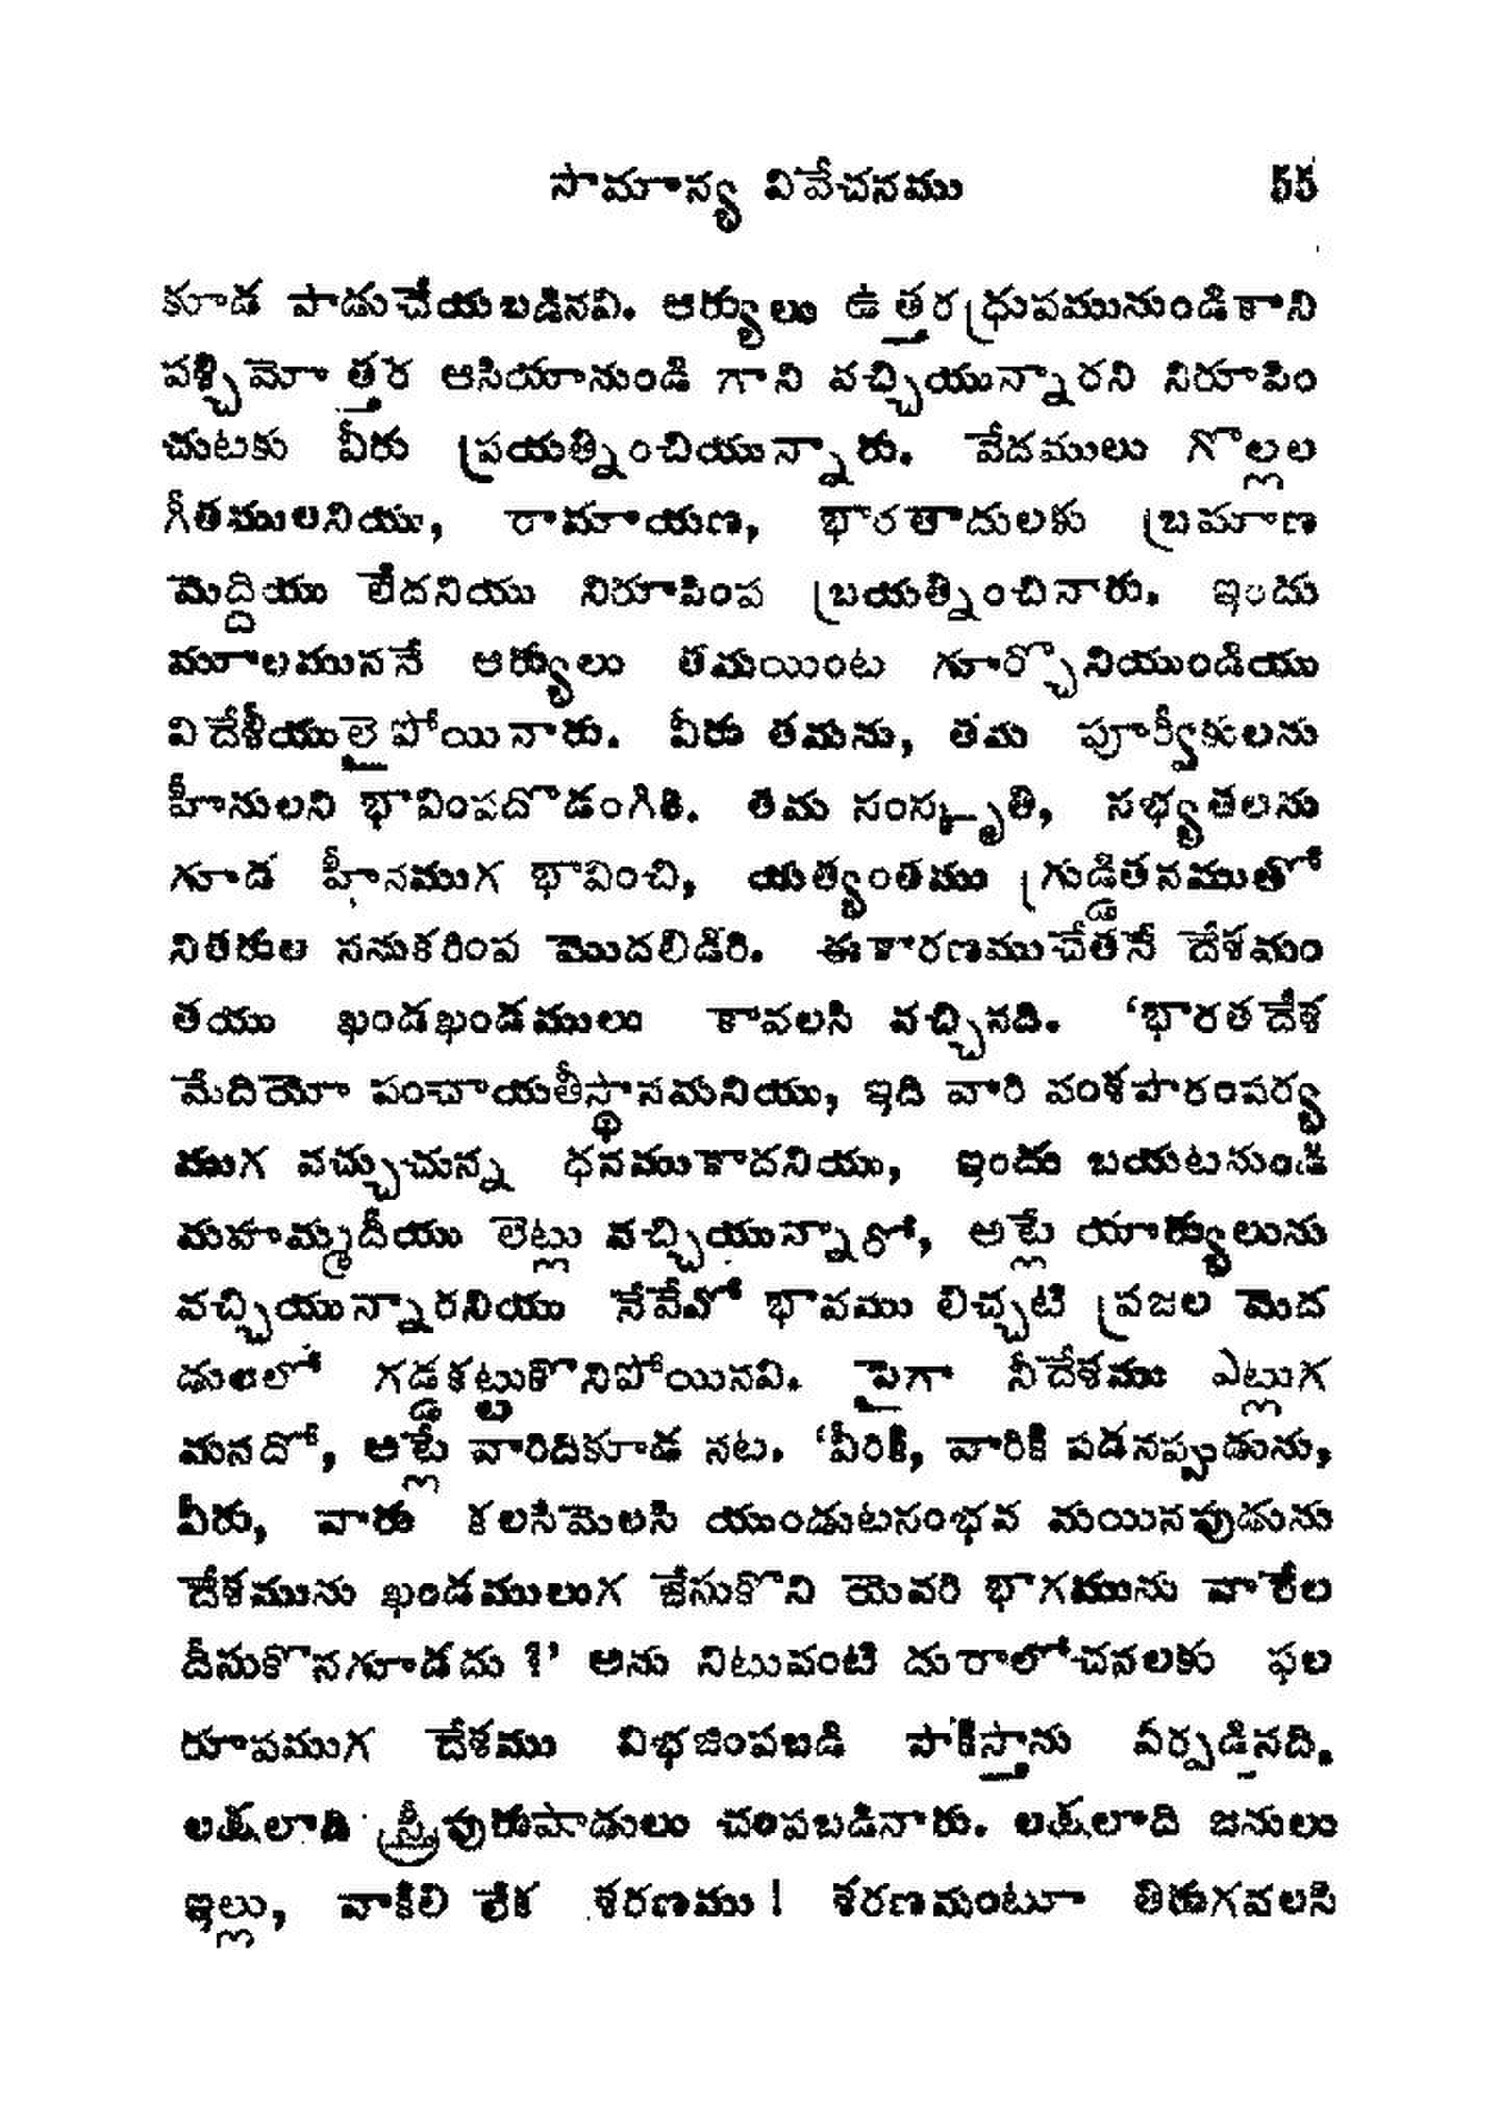కూడ పాడుచేయబడినవి. ఆర్యులు ఉత్తరధ్రువమునుండి కాని
పశ్చిమోత్తర ఆసియానుండి గాని వచ్చియున్నారని నిరూపించుటకు 
వీరు ప్రయత్నించియున్నారు. వేదములు గొల్లల
గీతములనియు, రామాయణ, భారతాదులకు బ్రమాణ
మెద్దియా లేదనియు నిరూపింప బ్రయత్నించినారు, ఇందు
మూలముననే ఆర్యులు తమయింట గూర్చొనియుండియు
విదేశీయులై పోయినారు. వీరు తమను, తమ పూర్వీకులను
హీనులని భావింపదొడంగిరి. తమ సంస్కృతి, సభ్యతలను
గూడ హీనముగ భావించి, యత్యంతము గ్రుడ్డితనముతో
నితరుల ననుకరింప మొదలిడిరి. ఈ కారణముచేతనే దేశమం
తయు ఖండఖండములు కావలసి వచ్చినది. భారతదేశ
మేదియో పంచాయతీస్థానమనియు, ఇది వారి వంశపారంపర్యముగ 
వచ్చుచున్న ధనము కాదనియు, ఇందు బయటనుండి
మహమ్మదీయు లెట్లు వచ్చియున్నారో, అట్లే యార్యులును
వచ్చియున్నారనియు నేవేవో భావము లిచ్చటి ప్రజల మెద
డులలో గడ్డకట్టుకొనిపోయినవి. పైగా నీదేశము ఎట్లుగ
మనదో, అట్లే వారిదికూడ నట, 'వీరికి, వారికి పడనప్పుడును,
వీరు, వారు కలసిమెలసి యుండుటసంభవ మయినపుడును
దేశమును ఖండములుగ జేసుకొని యెవరి భాగమును వారేల
దీసుకొనగూడదు ?' అను నిటువంటి దురాలోచనలకు ఫల
రూపముగ దేశము విభజింపబడి పాకిస్తాను ఏర్పడినది.
లక్షలాది స్త్రీ పురషాదులు చంపబడినారు. లక్షలాది జనులు 
ఇల్లు, వాకిలి లేక శరణము! శరణమంటూ తిరుగవలసి